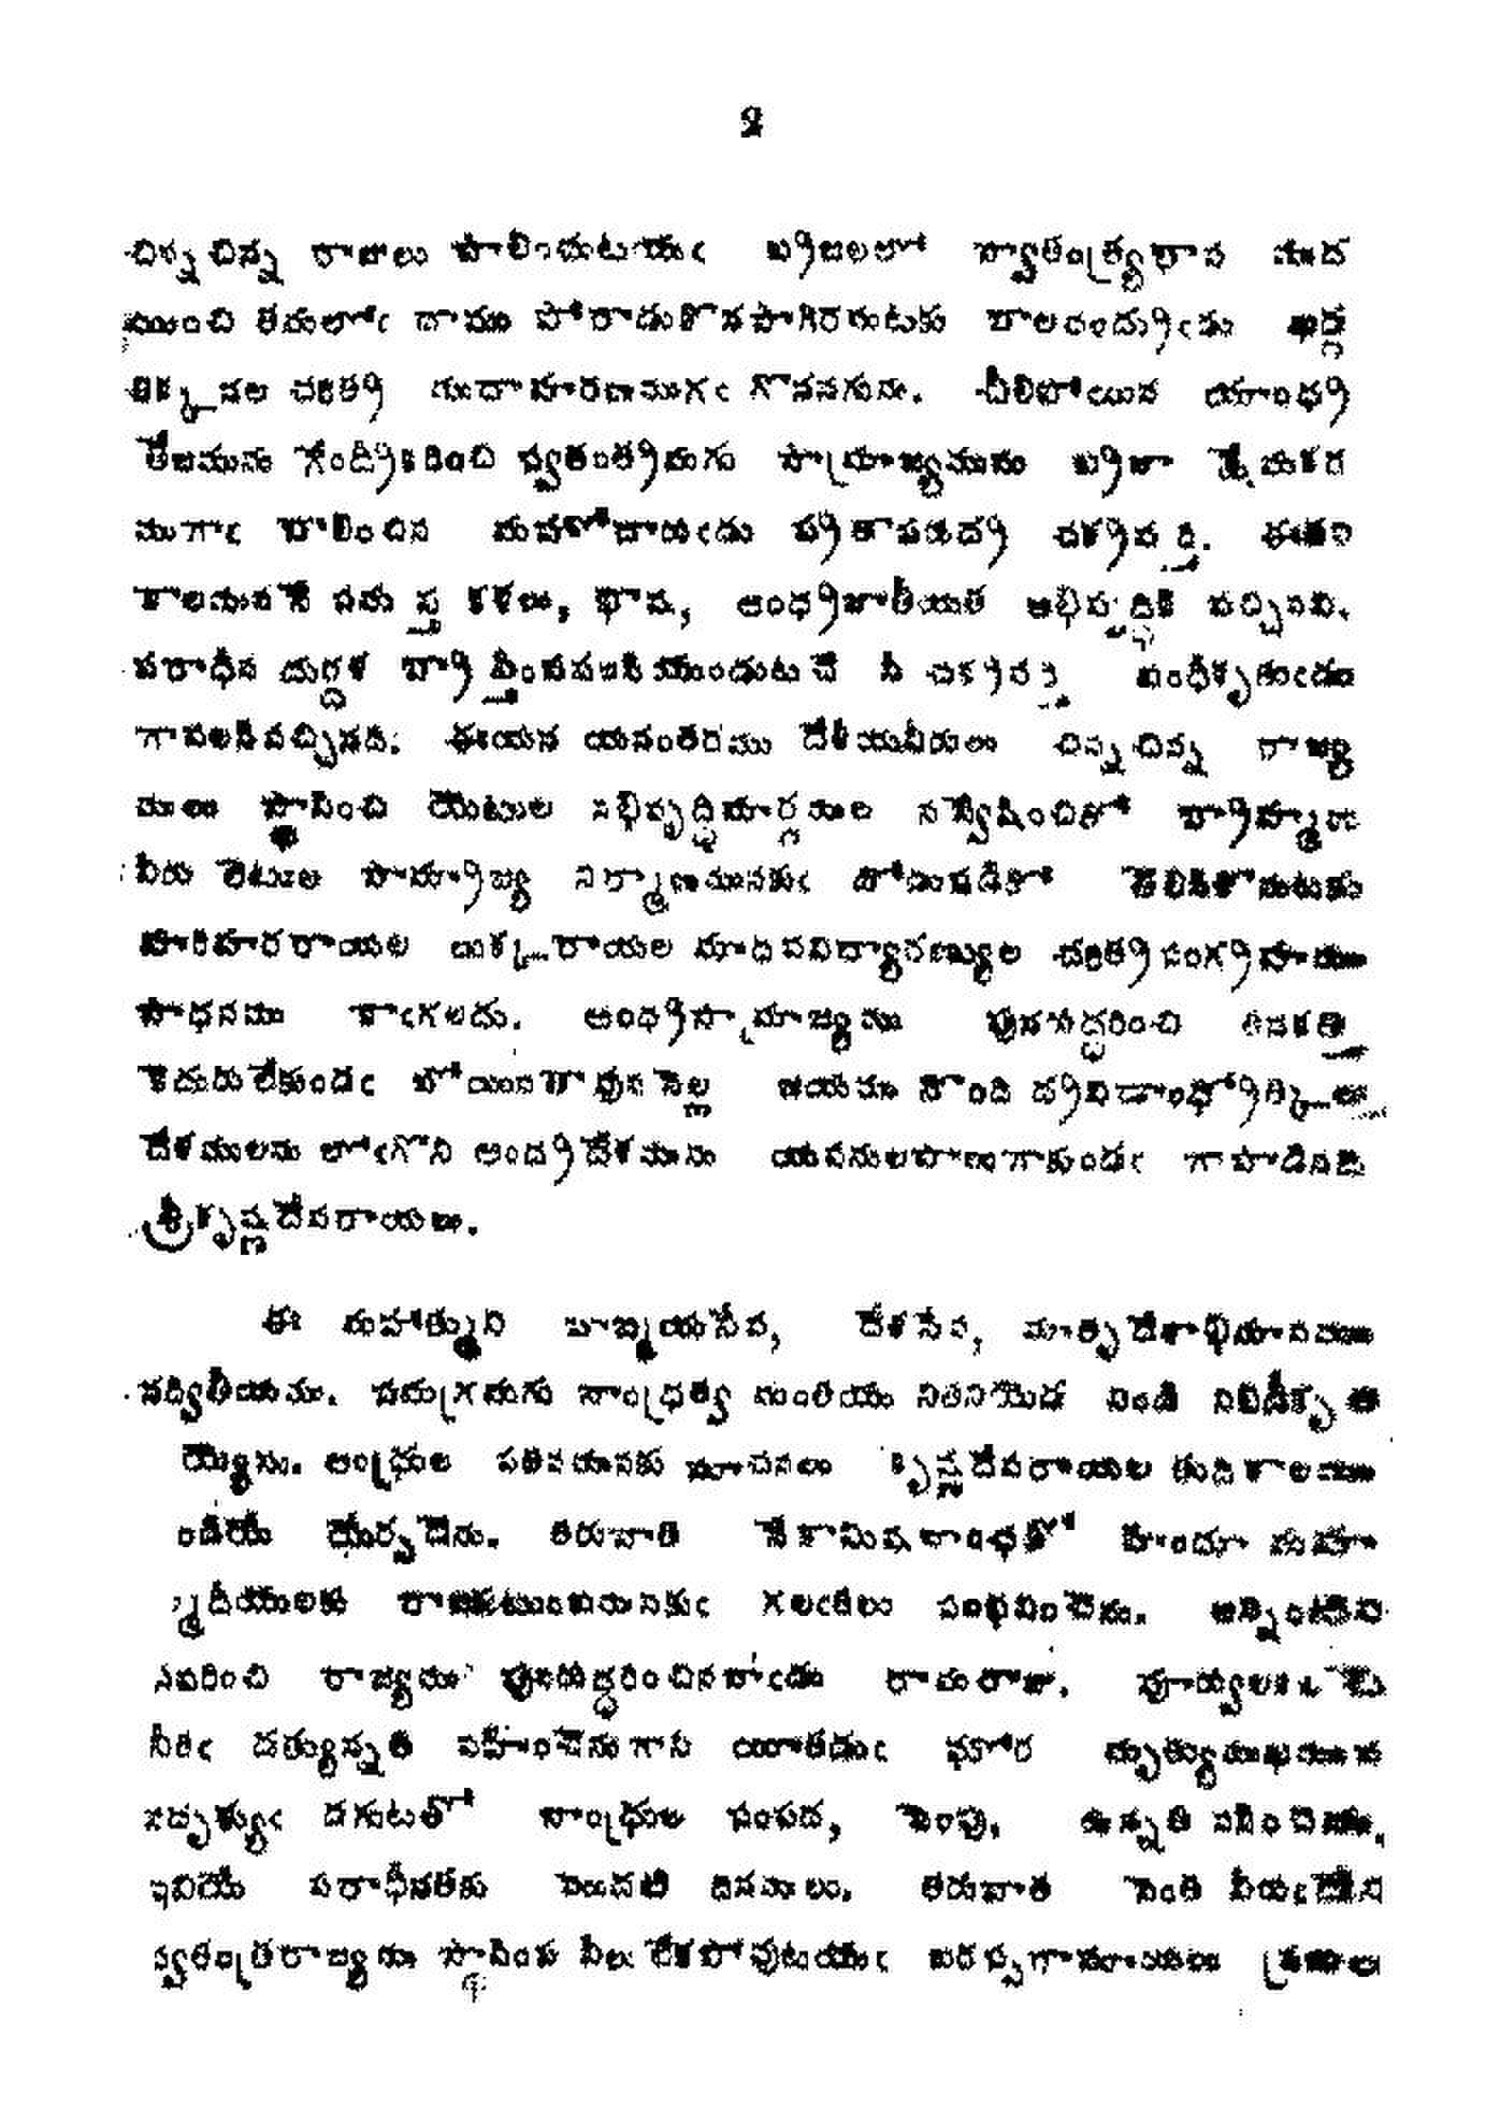చిన్న చిన్న రాజులు పాలించుటయు బ్రజలలో స్వాతంత్ర్యభావ ముదయించి తమలో దాము పోరాడు కొనసాగిరనుటకు బాలచంద్రుడు ఖడ్గ తిక్కనల చరిత్ర ముదాహరణముగ గొననగును. చీలిపోయిన యాంధ్ర తేజమును గేంద్రీకరించి స్వతంత్రమగు సామ్రాజ్యమును బ్రజా క్షేమకరముగా బాలించిన మహోదారుడు ప్రతాపరుద్ర చక్రవర్తి. ఈతని కాలముననే సమస్త కళలు, భాష ఆంధ్రజాతీయిత అభివృద్ధికి వచ్చినవి. పరాధీన దుర్దశ బ్రాప్తింపవలసి యుండుటచే నీ చక్రవర్తి బంధీకృతుడు గావలసి వచ్చినది. ఈయన యనంతరము దేశీయువీరులు చిన్న చిన్న రాజ్యములు స్థాపించి యెటుల నభివృద్ధిమార్గముల నన్వేషించిరో బ్రాహ్మణు వీరు లెటుల సామ్రాజ్య నిర్మాణమునకు దోడుపడిరో తెలిసికొనుటకు హరిహరరాయల బుక్కరాయల మాధవవిద్యారణ్యుల చరిత్ర సంగ్రహము సాధనము కాగలదు. ఆంధ్రసామ్రాజ్యము పునరుద్ధరించి తనకత్తి కెదురులేకుండ బోయినతావున నెల్ల జయము నొంది ద్రవిడాంధ్రోత్కలు దేశములను లోగొని ఆంధ్రదేశమును యపనులపాలుగాకుండ గాపాడినది శ్రీకృష్ణదేవరాయలు.

ఈ మహాత్ముని వాజ్మయసేవ, దేశసేవ, మాతృదేశాభిమానము నద్వితీయము. సమగ్రమగు నాంధ్రత్వ మంతయు నితనియెడ నిండి నిబిడీకృత మయ్యెను. ఆంధ్రుల పతనమునకు సూచనలు కృష్ణదేవరాయల తుది కాలము నుండియే యేర్పడెను. తరువాత నేకామిషవాంఛతో హిందూ మహమ్మదీయులకు రాజకుటుంబమునకు గలతలు సంభవించెను. అన్నింటిని సవరించి రాజ్యము పునరుద్ధరించిన వాడు రామరాజు. పూర్వులకంటె నీత డత్యున్నత వహించెను గాని యీతడు ఘోర మృత్యు ముఖమున నదృశ్యు డగుటతో నాంధ్రుల సంపద, పెంపు, ఉన్నతి నసించెను. ఇవియే పరాధీనతకు మొదటి దినములు. తరువాత నెంత వీరుడేని స్వతంత్రరాజ్యము స్థాపింప వీలు లేకపోవుటయు బరస్పరాసూయలు ప్రజల